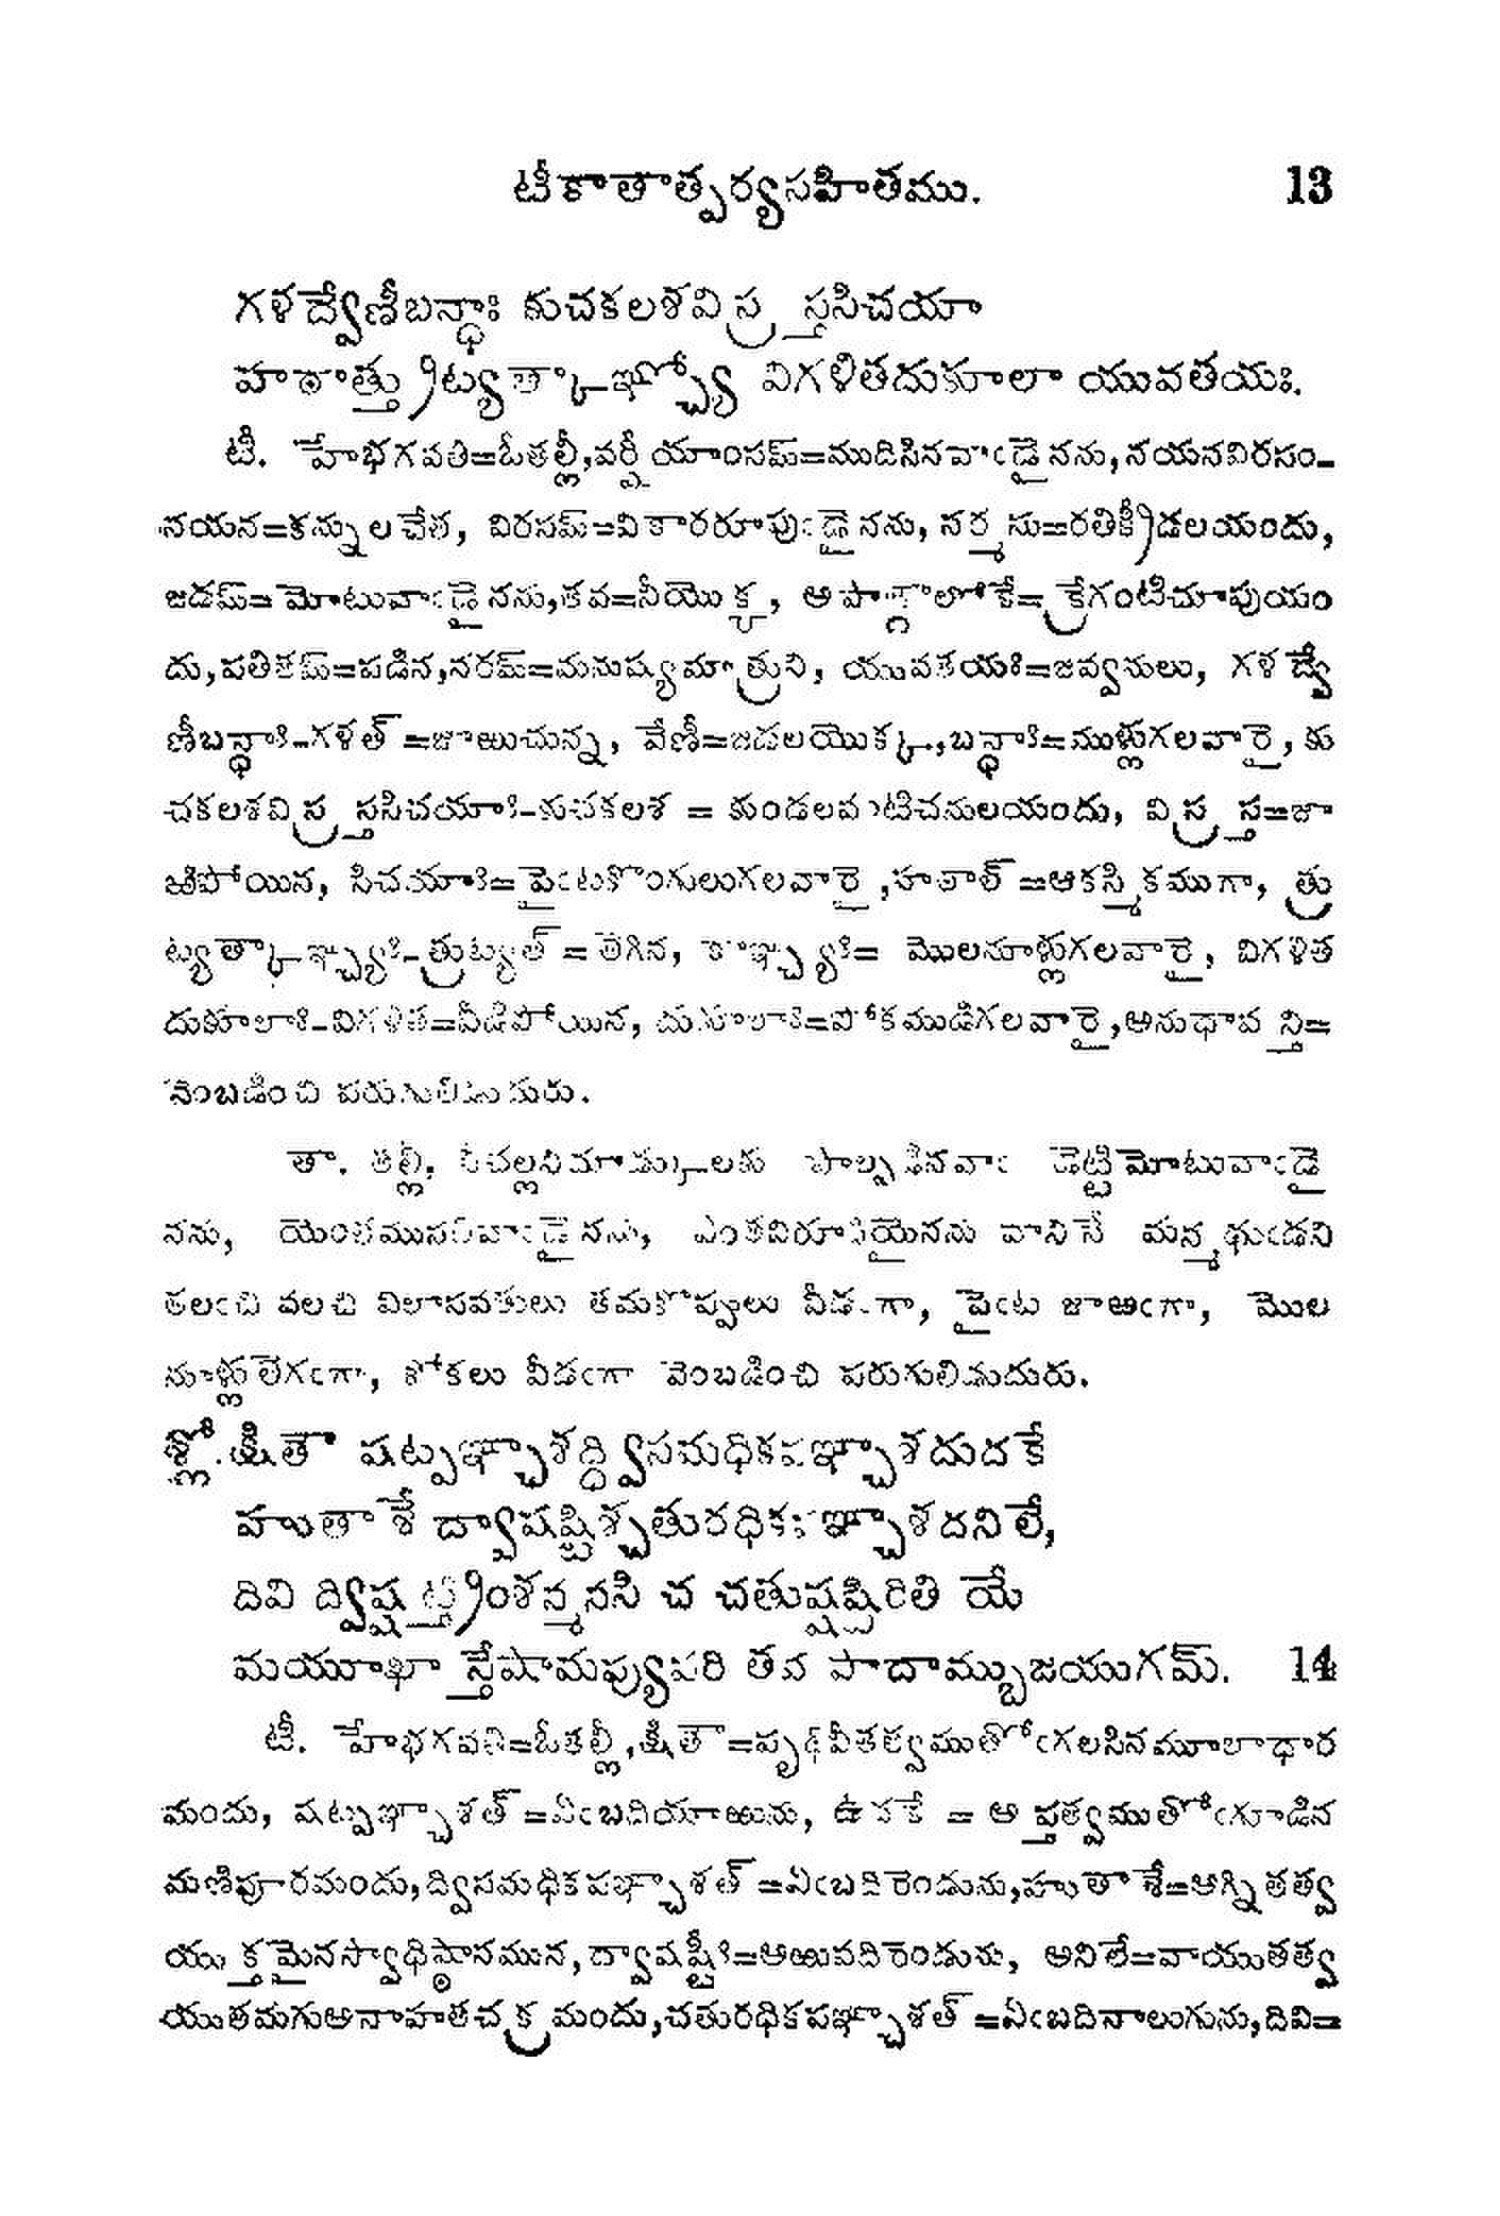గళద్వేణీబన్ధాః కుచకలశవిస్రస్తసిచయా
హఠాత్త్రుట్యత్కాఞ్చ్యో విగిళితదుకూలా యువతయః. 13
టీ. హేభగవతి = ఓతల్లీ, వర్షీయాంసమ్ = ముదిసినవాఁడైనను, నయనవిరసం-నయన = కన్నులచేత, విరసమ్ = వికారరూపుఁడైనను, నర్మసు = రతిక్రీడలయందు, జడమ్ = మోటువాఁడైనను, తవ = నీయొక్క, అపాఙ్గాలోకే = క్రేగంటిచూపుయందు, పతితమ్ = పడిన, నరమ్ = మనుష్యమాత్రుని, యువతయః = జవ్వనులు, గళద్వేణీబన్థాః-గళత్ = జాఱుచున్న, వేణీ = జడలయొక్క, బన్థాః = ముళ్లుగలవారై, కుచకలశవిప్రస్తసిచయాః-కుచకలశ = కుండలవంటిచనులయందు, విస్రస్త = జాఱిపోయిన, సిచయాః = పైఁటకొంగులుగలవారై, హఠాత్ = ఆకస్మికముగా, త్రుట్యత్కాఞ్చ్యః-త్రుట్యత్ = తెగిన, కాఞ్చ్యః = మొలనూళ్లుగలవారై, విగళితదుకూలాః-విగళిత = వీడిపోయిన, దుకూలాః = పోకముడిగలవారై, అనుధావన్తి = వెంబడించి పరుగులిడుదురు.

తా. తల్లీ, నీచల్లనిచూడ్కులకు పాల్పడినవాఁ డెట్టిమోటువాఁడైనను, యెంతముసలివాఁడైనను, ఎంతవిరూపియైనను వానినే మన్మథుఁడని తలంచి వలచి విలాసవతులు తమకొప్పులు వీడంగా, పైఁట జాఱఁగా, మొలనూళ్లు తెగఁగా, కోకలు వీడఁగా వెంబడించి పరుగులిడుదురు.

శ్లో. క్షితౌ షట్పఞ్చాశద్ద్విసమధికపఞ్చాశుదుదకే
 హుతాశేద్వాషష్టిశ్చతురధికపఞ్చాశదనిలే,
 దివి ద్విష్షట్త్రింశన్మనసి చ చతుష్షష్టిరితి యే
 మయూఖాస్తేషామప్యుపరి తవ పాదామ్బుజయుగమ్. 14
టీ. హేభగవతి = ఓతల్లీ, క్షితౌ = పృథివీతత్వముతోఁగలసినమూలాధారమందు, షట్పఞ్చాశత్ = ఏఁబదియాఱును, ఉదకే = అప్తత్వముతోఁగూడిన మణిపూరమందు, ద్విసమధికపఞ్చాశత్ = ఏఁబదిరెండును, హుతాశే = అగ్నితత్వయుక్తమైన స్వాధిష్ఠానమున, ద్వాషష్టీః = అఱువదిరెండును, అనిలే = వాయుతత్వయుతమగు అనాహతచక్రమందు, తతురధికపఞ్చాశత్ = ఏఁబదినాలుగును, దివి =